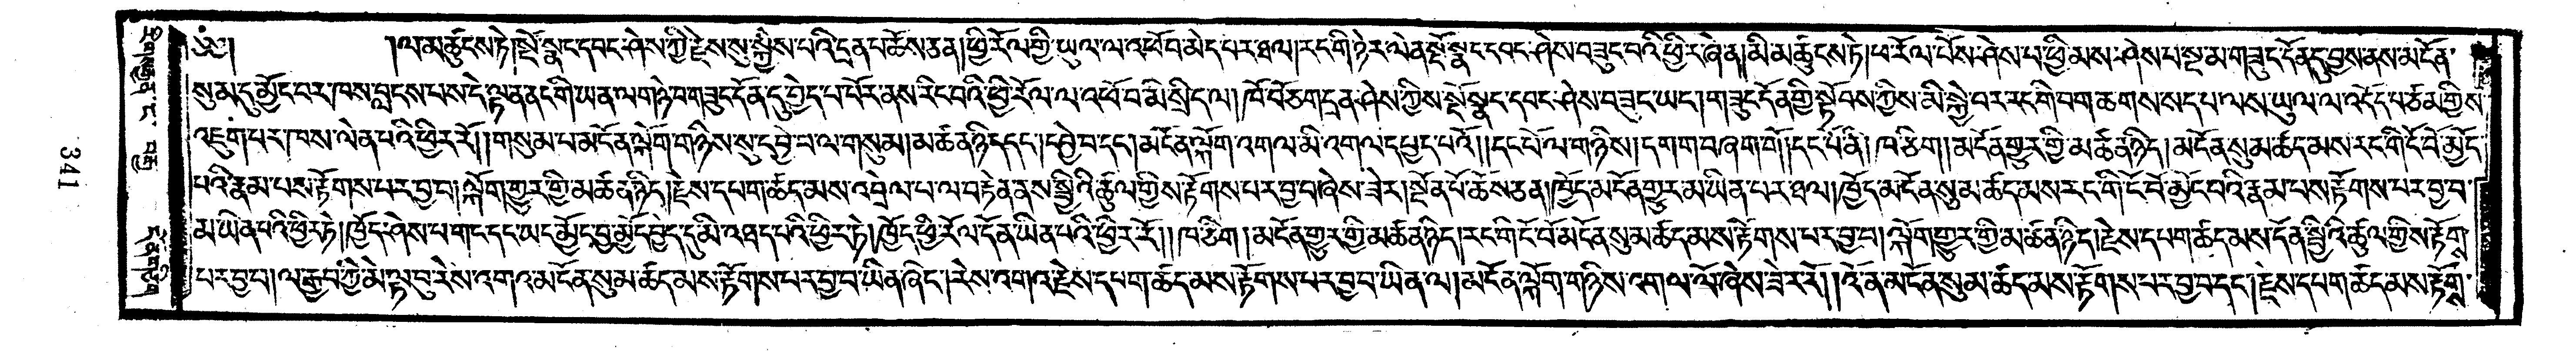༄༅། །ལ་མཚུངས་ཏེ། སྔོ་སྣང་དབང་ཤེས་ཀྱི་རྗེས་སུ་སྐྱེས་པའི་དྲན་པ་ཆོས་ཅན། ཕྱི་རོལ་གྱི་ཡུལ་ལ་འཕོ་བ་མེད་པར་ཐལ། རང་གི་ཉེར་ལེན་སྔོ་སྣང་དབང་ཤེས་བཟུང་བའི་ཕྱིར་ཞེ་ན། མི་མཚུངས་ཏེ། ཕ་རོལ་པོས་ཤེས་པ་ཕྱི་མས་ཤེས་པ་སྔ་མ་གཟུང་དོན་དུ་བྱས་ནས་མངོན་
སུམ་དུ་མྱོང་བར་ཁས་བླངས་པས་དེ་ལྟ་ན་ནང་གི་ཡན་ལག་ཉེ་བ་གཟུང་དོན་དུ་བྱེད་པ་བོར་ནས་རིང་བའི་ཕྱི་རོལ་ལ་འཕོ་བ་མི་སྲིད་ལ། ཁོ་བོ་ཅག་དྲན་ཤེས་ཀྱིས་སྔོ་སྣང་དབང་ཤེས་བཟུང་ཡང་། གཟུང་དོན་གྱི་སྟོབས་ཀྱིས་མི་སྐྱེ་བར་རང་གི་བག་ཆགས་སད་པ་ལས་ཡུལ་ལ་འདོད་པ་ཙམ་གྱིས་
འཇུག་པར་ཁས་ལེན་པའི་ཕྱིར་རོ། །གསུམ་པ་མངོན་ལྐོག་གཉིས་སུ་དབྱེ་བ་ལ་གསུམ། མཚན་ཉིད་དང་། དབྱེ་བ་དང་། མངོན་ལྐོག་འགལ་མི་འགལ་དཔྱད་པའོ། །དང་པོ་ལ་གཉིས། དགག་བཞག་གོ །དང་པོ་ནི། ཁ་ཅིག །མངོན་གྱུར་གྱི་མཚན་ཉིད། མངོན་སུམ་ཚད་མས་རང་གི་ངོ་བོ་མྱོང་
བའི་རྣམ་པས་རྟོགས་པར་བྱ་བ། ལྐོག་གྱུར་གྱི་མཚན་ཉིད། རྗེས་དཔག་ཚད་མས་འབྲེལ་བ་ལ་བརྟེན་ནས་སྤྱིའི་ཚུལ་གྱིས་རྟོགས་པར་བྱ་བ་ཞེས་ཟེར། སྔོན་པོ་ཆོས་ཅན། ཁྱོད་མངོན་གྱུར་མ་ཡིན་པར་ཐལ། ཁྱོད་མངོན་སུམ་ཚད་མས་རང་གི་ངོ་བོ་མྱོང་བའི་རྣམ་པས་རྟོགས་པར་བྱ་བ་
མ་ཡིན་པའི་ཕྱིར་ཏེ། ཁྱོད་ཤེས་པ་གང་དང་ཡང་མྱོང་བྱ་མྱོང་བྱེད་དུ་མི་འཐད་པའི་ཕྱིར་ཏེ། ཁྱོད་ཕྱི་རོལ་དོན་ཡིན་པའི་ཕྱིར་རོ། །ཁ་ཅིག །མངོན་གྱུར་གྱི་མཚན་ཉིད། རང་གི་ངོ་བོ་མངོན་སུམ་ཚད་མས་རྟོགས་པར་བྱ་བ། ལྐོག་གྱུར་གྱི་མཚན་ཉིད། རྗེས་དཔག་ཚད་མས་དོན་སྤྱིའི་ཚུལ་གྱིས་རྟོགས་
པར་བྱ་བ། ལ་རྒྱབ་ཀྱི་མེ་ལྟ་བུ་རེས་འགའ་མངོན་སུམ་ཚད་མས་རྟོགས་པར་བྱ་བ་ཡིན་ཞིང་། རེས་འགའ་རྗེས་དཔག་ཚད་མས་རྟོགས་པར་བྱ་བ་ཡིན་ལ། མངོན་ལྐོག་གཉིས་འགལ་ལོ་ཞེས་ཟེར་རོ། །འོ་ན་མངོན་སུམ་ཚད་མས་རྟོགས་པར་བྱ་བ་དང་། རྗེས་དཔག་ཚད་མས་རྟོགས་